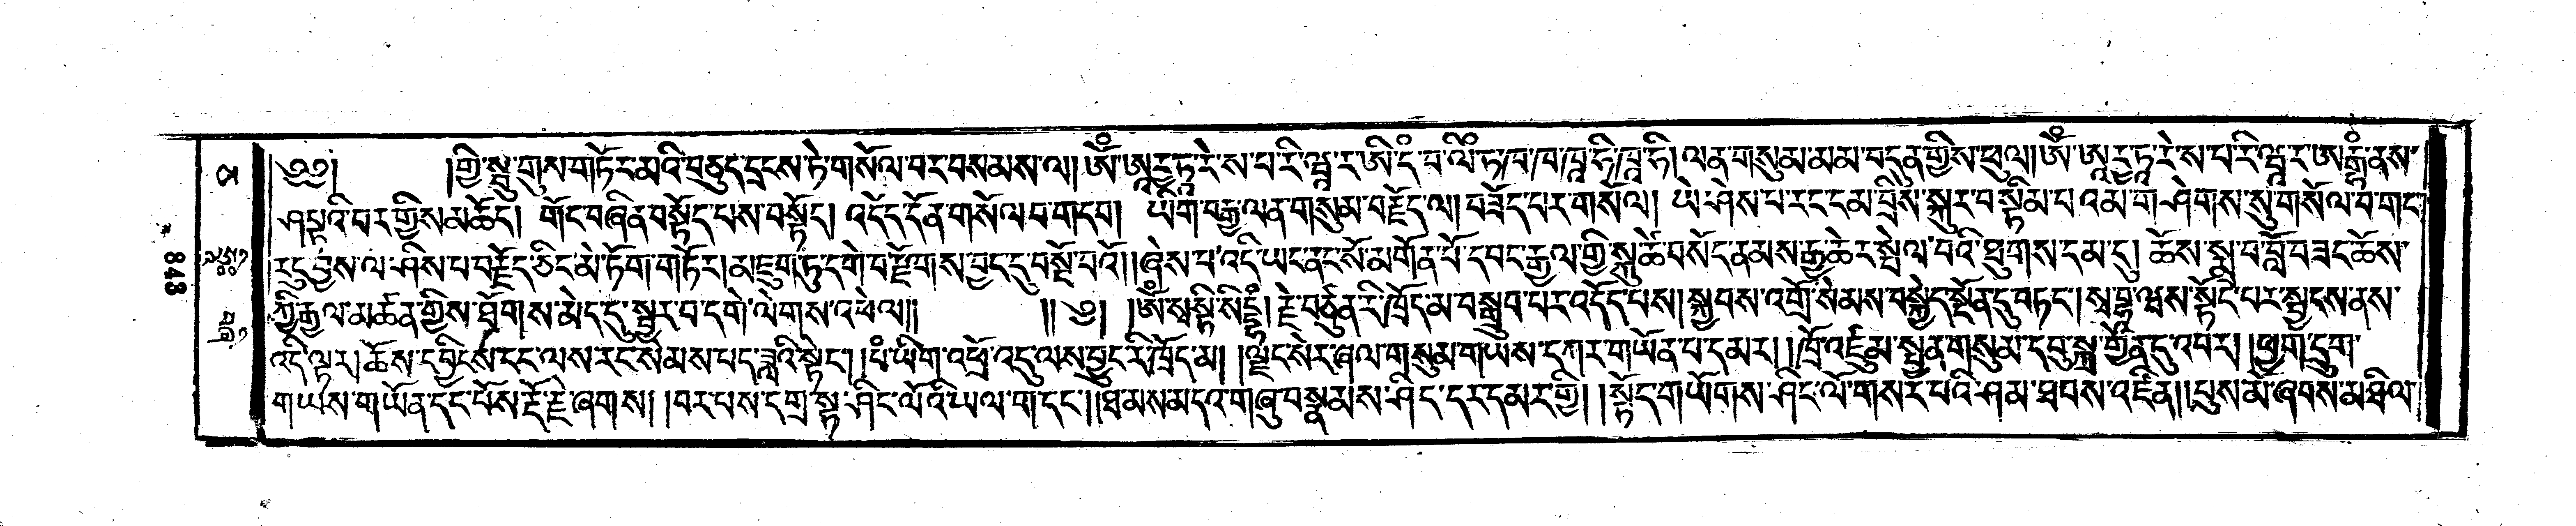༄༅། །གྱི་སྦུ་གུས་གཏོར་མའི་བཅུད་དྲངས་ཏེ་གསོལ་བར་བསམས་ལ། ཨོཾ་ཨཱརྱ་ཏཱ་རེ་ས་པ་རི་ཝཱ་ར་ཨི་དཾ་བ་ལིཾ་ཏ་ཁ་ཁ་ཁཱ་ཧི་ཁཱ་ཧི། ལན་གསུམ་མམ་བདུན་གྱིས་ཕུལ། ཨོཾ་ཨཱརྱ་ཏཱ་རེ་ས་པ་རི་ཝཱ་ར་ཨརྒྷཾ་ནས་
ཤཔྟའི་བར་གྱིས་མཆོད། གོང་བཞིན་བསྟོད་པས་བསྟོད། འདོད་དོན་གསོལ་བ་གདབ། ཡིག་བརྒྱ་ལན་གསུམ་བརྗོད་ལ། བཟོད་པར་གསོལ། ཡེ་ཤེས་པ་རང་ངམ་བྲིས་སྐུར་བསྟིམ་པའམ་གཤེགས་སུ་གསོལ་བ་གང་
རུང་བྱས་ལ་ཤིས་པ་བརྗོད་ཅིང་མེ་ཏོག་གཏོར། མཇུག་ཏུ་དགེ་བ་རྫོགས་བྱང་དུ་བསྔོ་བའོ། །ཞེས་པ་འདི་ཡང་ནང་སོ་མགོན་པོ་དབང་རྒྱལ་གྱི་སྐུ་ཚེ་བསོད་ནམས་རྒྱ་ཆེར་སྤེལ་བའི་ཐུགས་དམ་དུ། ཆོས་སྨྲ་བ་བློ་བཟང་ཆོས་
ཀྱི་རྒྱལ་མཚན་གྱིས་ཐོགས་མེད་དུ་སྦྱར་བ་དགེ་ལེགས་འཕེལ།། །།༄༅། །ཨོཾ་སྭསྟི་སིདྡྷཾ། རྗེ་བཙུན་རི་ཁྲོད་མ་བསྒྲུབ་པར་འདོད་པས། སྐྱབས་འགྲོ་སེམས་བསྐྱེད་སྔོན་དུ་བཏང་། སྭ་བྷཱ་ཝས་སྟོང་པར་སྦྱངས་ནས་
འདི་ལྟར། ཆོས་དབྱིངས་ངང་ལས་རང་སེམས་པད་ཟླའི་སྟེང་། །བཾ་ཡིག་འཕྲོ་འདུ་ལས་བྱུང་རི་ཁྲོད་མ། །ལྗང་སེར་ཞལ་གསུམ་གཡས་དཀར་གཡོན་པ་དམར། །ཁྲོ་འཛུམ་སྤྱན་གསུམ་དབུ་སྐྲ་གྱེན་དུ་འབར། །ཕྱག་དྲུག་
གཡས་གཡོན་དང་པོས་རྡོ་རྗེ་ཞགས། །བར་པས་དགྲ་སྟ་ཤིང་ལོའི་ཡལ་ག་དང་། །ཐ་མས་མདའ་གཞུ་བསྣམས་ཤིང་དར་དམར་གྱི། །སྟོད་གཡོགས་ཤིང་ལོ་གསར་པའི་ཤམ་ཐབས་འཛིན། །པུས་མོ་ཞབས་མཐིལ་